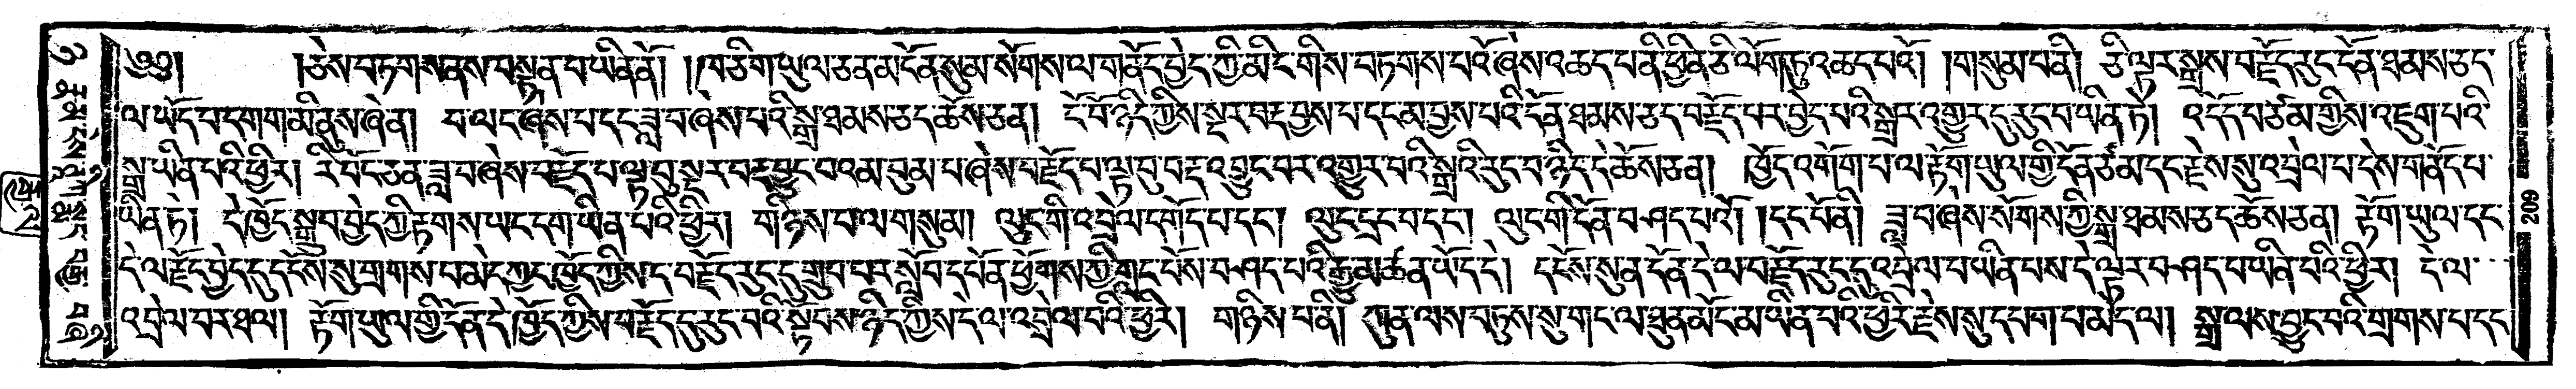༄༅། །ཅེས་བཏགས་ནས་བསྟན་པ་ཡིན་ནོ། །ཁ་ཅིག་ཡུལ་ཅན་མངོན་སུམ་སོགས་ལ་གནོད་བྱེད་ཀྱི་མིང་གིས་བཏགས་པའོ་ཞེས་འཆད་པ་ནི་ཕྱིན་ཅི་ལོག་ཏུ་འཆང་བའོ། །གསུམ་པ་ནི། ཅི་ལྟར་སྒྲས་བརྗོད་རུང་དོན་ཐམས་ཅད་
ལ་ཡོད་པ་དགག་མི་ནུས་ཞེ་ན། བ་ལང་ཞེས་པ་དང་ཟླ་བ་ཞེས་པའི་སྒྲ་ཐམས་ཅད་ཆོས་ཅན། ངོ་བོ་ཉིད་ཀྱིས་སྔར་བརྔ་བྱས་པ་དང་མ་བྱས་པའི་དོན་ཐམས་ཅད་བརྗོད་པར་བྱེད་པའི་སྒྲར་འགྱུར་དུ་རུང་བ་ཡིན་ཏེ། འདོད་པ་ཙམ་གྱིས་འཇུག་པའི་
སྒྲ་ཡིན་པའི་ཕྱིར། རི་བོང་ཅན་ཟླ་བ་ཞེས་བརྗོད་པ་ལྟ་བུ་སྔར་བརྡ་བྱུང་བའམ་བུམ་པ་ཞེས་བརྗོད་པ་ལྟ་བུ་བརྔ་འབྱུང་བར་འགྱུར་བའི་སྒྲའི་རུང་བ་ཉིད་དེ་ཆོས་ཅན། ཁྱོད་འགོག་པ་ལ་རྟོག་ཡུལ་གྱི་དོན་ཙམ་དང་རྗེས་སུ་འབྲེལ་པ་དེས་གནོད་པ་
ཡིན་ཏེ། དེ་ཁྱོད་སྒྲུབ་བྱེད་ཀྱི་རྟགས་ཡང་དག་ཡིན་པའི་ཕྱིར། གཉིས་པ་ལ་གསུམ། ལུང་གི་འབྲེལ་དགོད་པ་དང་། ལུང་དྲང་བ་དང་། ལུང་གི་དོན་བཤད་པའོ། །དང་པོ་ནི། ཟླ་བ་ཞེས་སོགས་ཀྱི་སྒྲ་ཐམས་ཅད་ཆོས་ཅན། རྟོག་ཡུལ་དང་
དེ་ལ་རྗོད་བྱེད་དུ་དངོས་སུ་གྲགས་པ་མེད་ཀྱང་ཁྱོད་ཀྱིས་ད་བརྗོད་རུང་དུ་གྲུབ་པར་སློབ་དཔོན་ཕྱོགས་ཀྱི་གླང་པོས་བཤད་པའི་རྒྱུ་མཚན་ཡོད་དེ། དངོས་སུ་ན་དོན་དེ་ལ་བརྗོད་རུང་དུ་འབྲེལ་པ་ཡིན་པས་དེ་ལྟར་བཤད་པ་ཡིན་པའི་ཕྱིར། དེ་ལ་
འབྲེལ་བར་ཐལ། རྟོག་ཡུལ་གྱི་དོན་དེ་ཁྱོད་ཀྱིས་བརྗོད་དུ་རུང་བའི་སྟོབས་ཉིད་ཀྱིས་དེ་ལ་འབྲེལ་བའི་ཕྱིར། གཉིས་པ་ནི། ཀུན་ལས་བཏུས་སུ་གང་ལ་ཐུན་མོང་མ་ཡིན་པའི་ཕྱིར་རྗེས་སུ་དཔག་པ་མེད་ལ། སྒྲ་ལས་བྱུང་བའི་གྲགས་པ་དང་